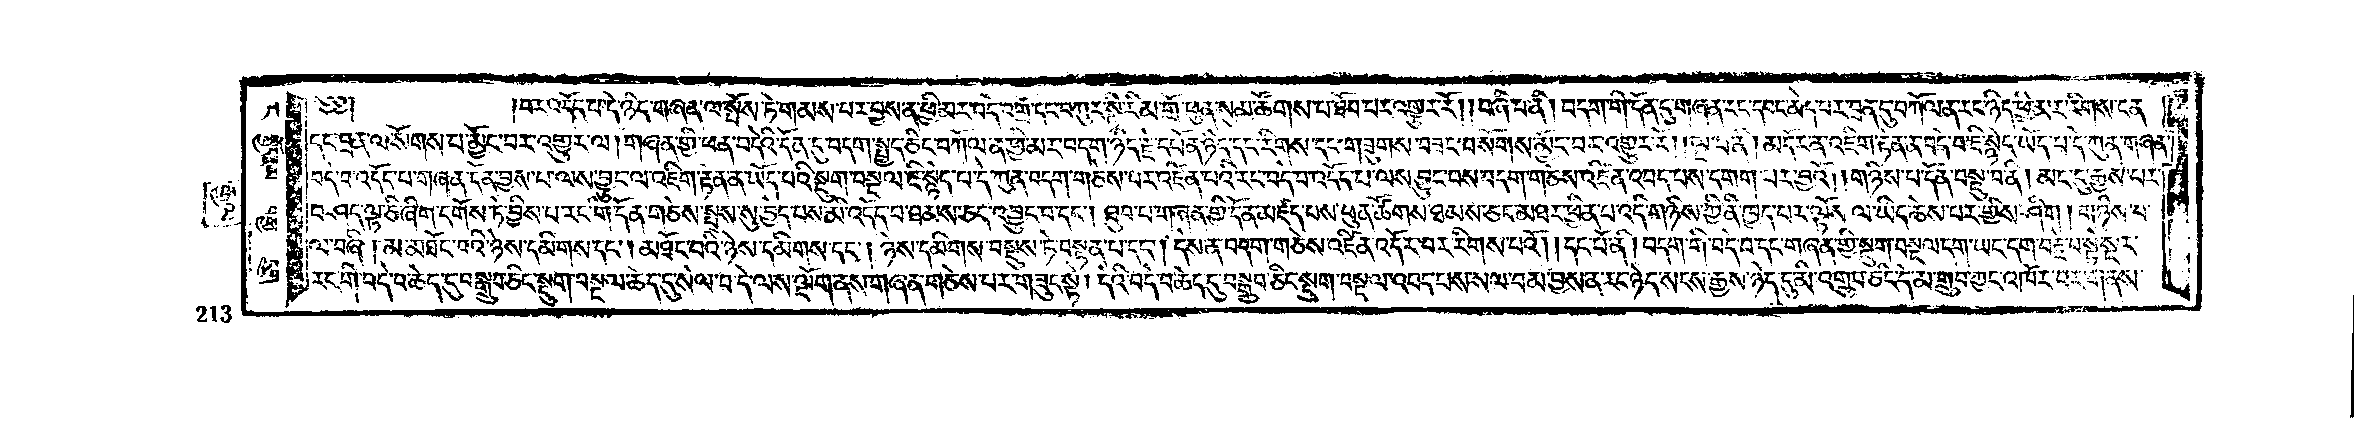༄༅། །པར་འདོད་པ་དེ་ཉིད་གཞན་ལ་སྤོས་ཏེ་གམྶྤར་བྱས་ན་ཕྱི་མར་བདེ་འགྲོ་དང་བཀུར་སྟི་རིམ་གྲོ་ཕུན་སུམ་ཚོགས་པ་ཐོབ་པར་འགྱུར་རོ། །བཞི་པ་ནི། བདག་གི་དོན་དུ་གཞན་རང་དབང་མེད་པར་བྲན་དུ་བཀོལ་ན་རང་ཉིད་ཕྱི་མར་རིགས་ངན་
དང་བྲན་ལ་སོགས་པ་མྱོང་བར་འགྱུར་ལ། གཞན་གྱི་ཕན་བདེའི་དོན་དུ་བདག་སྤྱད་ཅིང་བཀོལ་ན་ཕྱི་མར་བདག་ཉིད་རྗེ་དཔོན་ཉིད་དང་རིགས་དང་གཟུགས་བཟང་བ་སོགས་མྱོང་བར་འགྱུར་རོ། །ལྔ་པ་ནི། མདོར་ན་འཇིགས་རྟེན་ན་བདེ་བ་ཇི་སྙེད་ཡོད་པ་དེ་ཀུན་གཞན་
བདེ་བ་འདོད་པ་གཞན་དོན་བྱས་པ་ལས་བྱུང་ལ་འཇིག་རྟེན་ན་ཡོད་པའི་སྡུག་བསྔལ་ཇི་སྙེད་པ་དེ་ཀུན་བདག་གཅེས་པར་འཛིན་པའི་རང་བདེ་བ་འདོད་པ་ལས་བྱུང་བས་བདག་གཅེས་འཛིན་འབད་པས་དགག་པར་བྱའོ། །གཉིས་པ་དོན་བསྡུ་བ་ནི། མང་དུ་རྒྱས་པར་
བཤད་ལྟ་ཅི་ཞིག་དགོས་ཏེ་བྱིས་པ་རང་གི་དོན་གཅེས་སྤྲས་སུ་བྱེད་པས་མི་འདོད་པ་ཐམས་ཅད་འབྱུང་བ་དང་། ཐུབ་པ་གཞན་གྱི་དོན་མཛད་པས་ཕུན་ཚོགས་ཐམས་ཅད་མཐར་ཕྱིན་པ་འདི་གཉིས་ཀྱི་ནི་ཁྱད་པར་ལྟོས་ལ་ཡིད་ཆེས་པར་གྱིས་ཤིག །གཉིས་པ་
ལ་བཞི། མ་མཐོང་བའི་ཉེས་དམིགས་དང་། མཐོང་བའི་ཉེས་དམིགས་དང་། ཉེས་དམིགས་བསྡུས་ཏེ་བསྟན་པ་དང་། དེས་ན་བདག་གཅེས་འཛིན་འདོར་བར་རིགས་པའོ། །དང་པོ་ནི། བདག་གི་བདེ་བ་དང་གཞན་གྱི་སྡུག་བསྔལ་དག་ཡང་དག་བརྗེ་པ་སྟེ་སྔར་
རང་གི་བདེ་བ་ཆེད་དུ་བསྒྲུབ་ཅིང་སྡུག་བསྔལ་ཆེད་དུ་སེལ་བ་དེ་ལས་ལྡོག་ནས་གཞན་གཅེས་པར་གཟུང་སྟེ། དེའི་བདེ་བ་ཆེད་དུ་བསྒྲུབ་ཅིང་སྡུག་བསྔལ་འབད་པས་སེལ་བ་མ་བྱས་ན་རང་ཉིད་སངས་རྒྱས་ཉིད་དུ་མ་འགྲུབ་ཅིང་དེ་མ་གྲུབ་ཀྱང་འཁོར་བར་གནས་